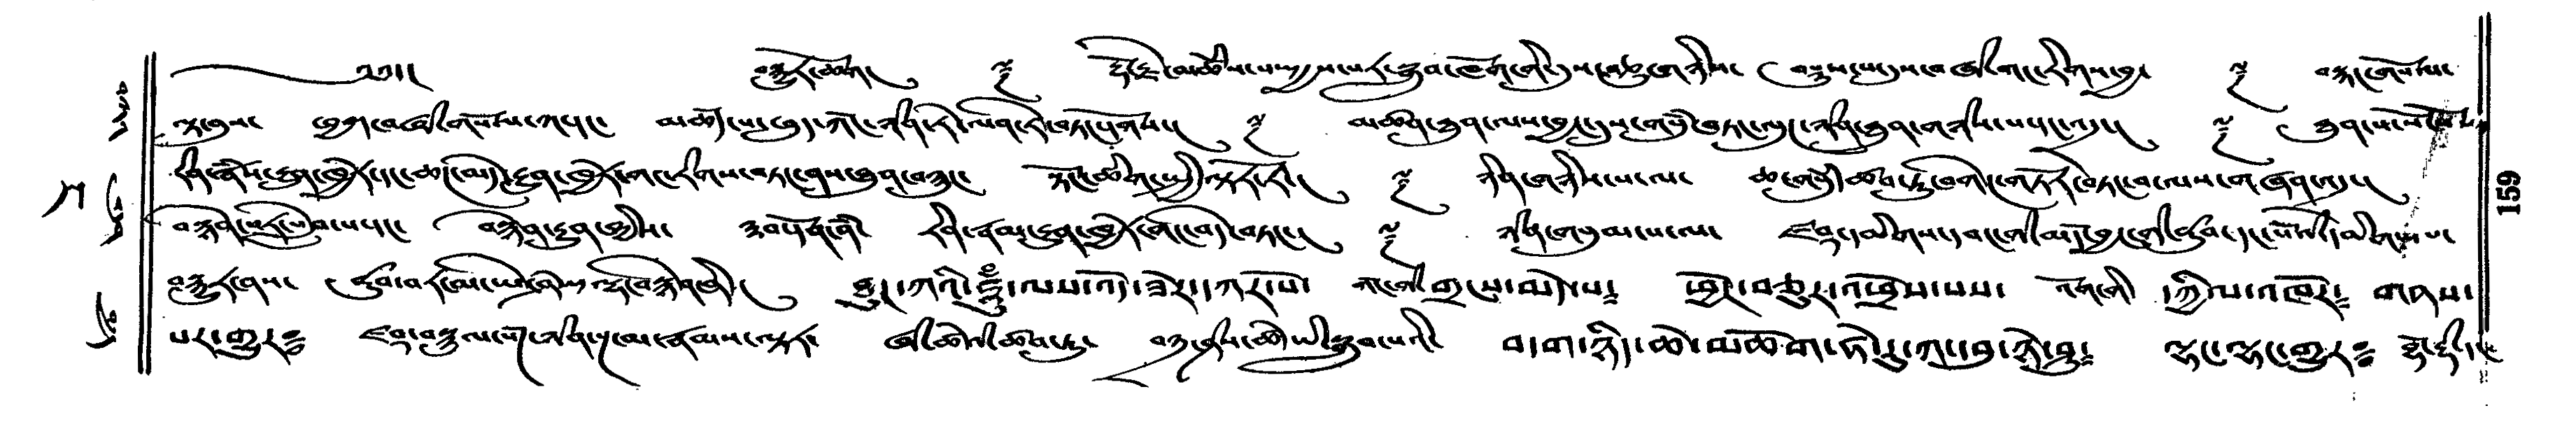སྒྱུར་ཆོག རྡོ་རྗེ་མཚམས་པས་རྒྱས་པར་སྒྲུབ་ཁོག་གི་དུས་བཅུ་གཉིས། བསྡུས་པར་དུས་བཞི་གང་རིགས་བྱ། བསྐང་གསོལ་
ལྟ་བུས་ཕྱག་བཞིའི་གསོལ་ཀ་དང་། མཆོད་པ་ཕུད་ཀོང་ཉིན་རེར་ལན་རེ་གཏོང་དགོས། མཚན་ཐུན་ལས་བྱང་དུས་གསུམ་གཏོང་ལུགས་ཉིན་ཐུན་གཉིས་པ་དང་འདྲ། ཐུན་པ་སོ་སོས་
རིན་རྣམ་རྒྱུན་ཁྱེར་དང་ཆགས་མེད་རྒྱུན་ཁྱེར་གང་རིགས་བཏང་ནས་ཐུན་གཟུང་། སྟོང་ཚིག་སྤྱི་ལྟར་རོ། ཉིན་གཉིས་པ་ལ། ཆ་གསུམ་ཚབ་ཏུ་བགེགས་གཏོར་གཏོང་བ་ལས་གཞན་འདྲ། 
བསྙེན་པར་སླེབ་པ་དང་། བསྙེན་རྒྱུན་གྱིས་ཟབ་དོན་ནམ་རིན་རྣམ་རྒྱུན་ཁྱེར་གང་བདེ་བཏང་། ཉིན་གསུམ་པ་ལ། ཛབ་དམིགས་དབང་གི་མདོ་བྱང་གི་ནུབ་དང་པོའི་དམིགས་པ་
བསྐྱུར་ནས། ནུབ་བར་མ་ཡེ་ཤེས་ལྷ་བསྙེན་ནི། ཐུགས་ཀའི་ཧཱུྃ་ལས་འོད་ཟེར་དཀར་པོ༔ གོང་གི གྲངས་མེད་པ༴ ཕྱོགས་བཅུར་འཕྲོས་པས༔ འོག་གི དཀྱིལ་འཁོར༴ གནས་
པར་གྱུར༔ ཛབ་བསྐུལ་སོགས་ཉིན་སྔ་མ་རྣམས་ལྟར། ཞི་ཚེའི་ཚབ་ཏུ་བཀྲ་ཤིས་ཚེ་ཡི་སྒྲུབ་པའི།བདག་ཉིད་ཆེ་མཆོག་ཧེ་རུ་ཀ་དབུ་ཉི་ཤུ༴ ལྷང་ལྷང་གྱུར༔ བྷོ་དྷི་དང་